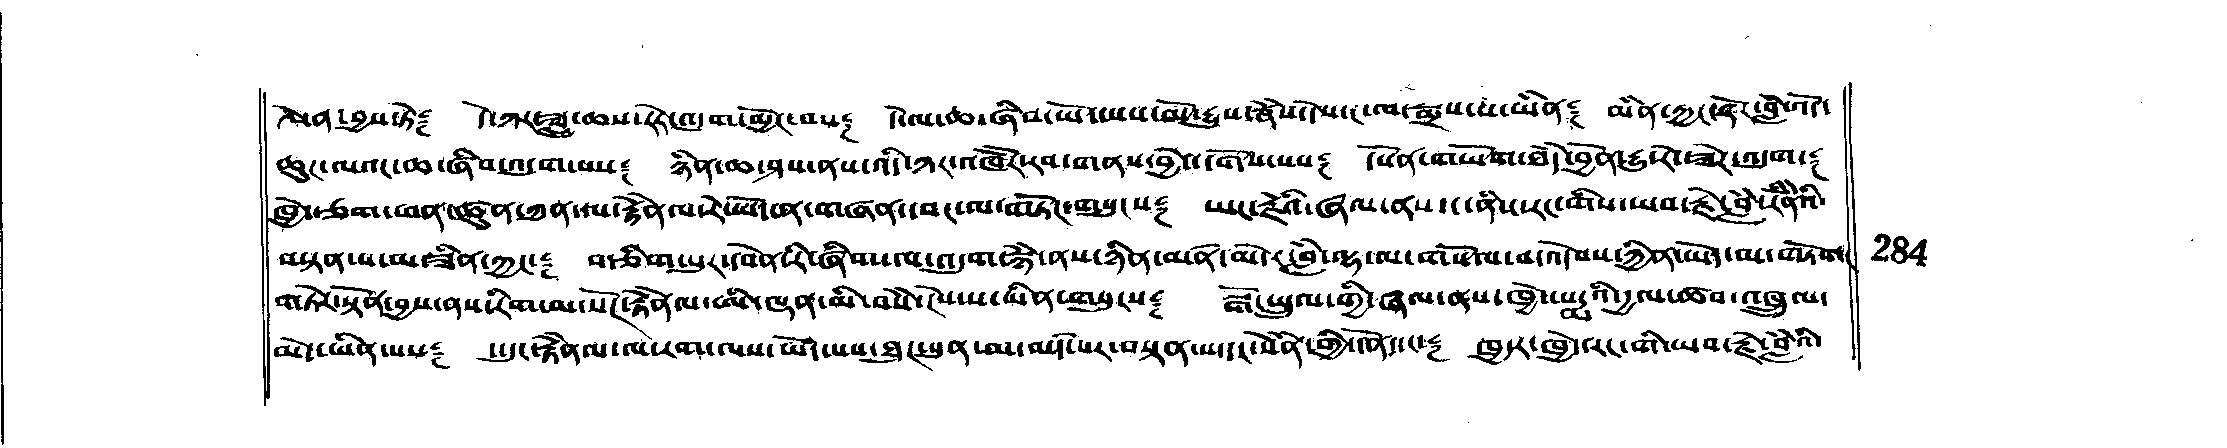ལེན་བྱས་ཏེ། དེ་ཀར་ཟླ་ཆས་རེར་འདུག་མྱོང་བས། དེ་ལ་ཆ་ཞིབ་ཡོད་པས་ལོ་རྒྱུས་རྣམས་དེས་ང་ལ་སྨྲས་པ་ཡིན། ཡིན་ཀྱང་ཧོར་བླ་མ་འོད་
ཆུང་ལའང་ཆ་ཞིབ་འདུག་པས། ཉིན་ཆ་ཤས་ནས་འདི་ཀར་འཁོར་ལོ་རབ་གནས་བྱེད་དགོས་པས། དཔོན་གཡོག་ཐམས་ཅད་བྱོན་རྒྱུ་རེད་ཟེར་འདུག 
ཁྱེད་ཅག་ཕན་ཚུན་ཀུན་ལ་རྟེན་འབྲེལ་རེ་ཡོད་ན་གཞན་དབང་མ་གཏོང་གསུངས།ཡང་རྗེའི་ཞལ་ནས་ང་ནི་ང་རང་གིས་ཡབ་རྗེ་བླ་མ་རིན་པོ་ཆེའི་
བསྟན་པ་མ་ཟིན་ཀྱང་། གཅིག་པུར་དབེན་རི་ཞིག་ལ་འདུག་སྙམ་ནས་ཉིན་མཚན་མེད་པར་བླ་མ་ལྷ་ལ་གསོལ་བ་འདེབས་ཀྱིན་ཡོད་མ་གཏོགས་
གཏེར་སྟོན་བྱས་ནས་རིག་མ་སོགས་རྟེན་འབྲེལ་ཨི་ལྡན་མི་བསམ་ངེས་པ་ཡིན་གསུངས། སྒོ་སྤྲུལ་གྱི་ཞལ་ནས་ཁྱེད་པདྨའི་རྒྱལ་ཚབ་འཁྲུལ་
མེད་ཡིན་པས། ད་དུང་རྟེན་འབྲེལ་ལ་རག་ལས་ཡོད་པས་ཐུགས་སུན་མ་མཛད་པར་བསྟན་པ་དང་སེམས་ཅན་གྱི་དོན་དང་། ཁྱད་པར་ཁྱེད་རང་གི་ཡབ་རྗེ་བླ་མའི་